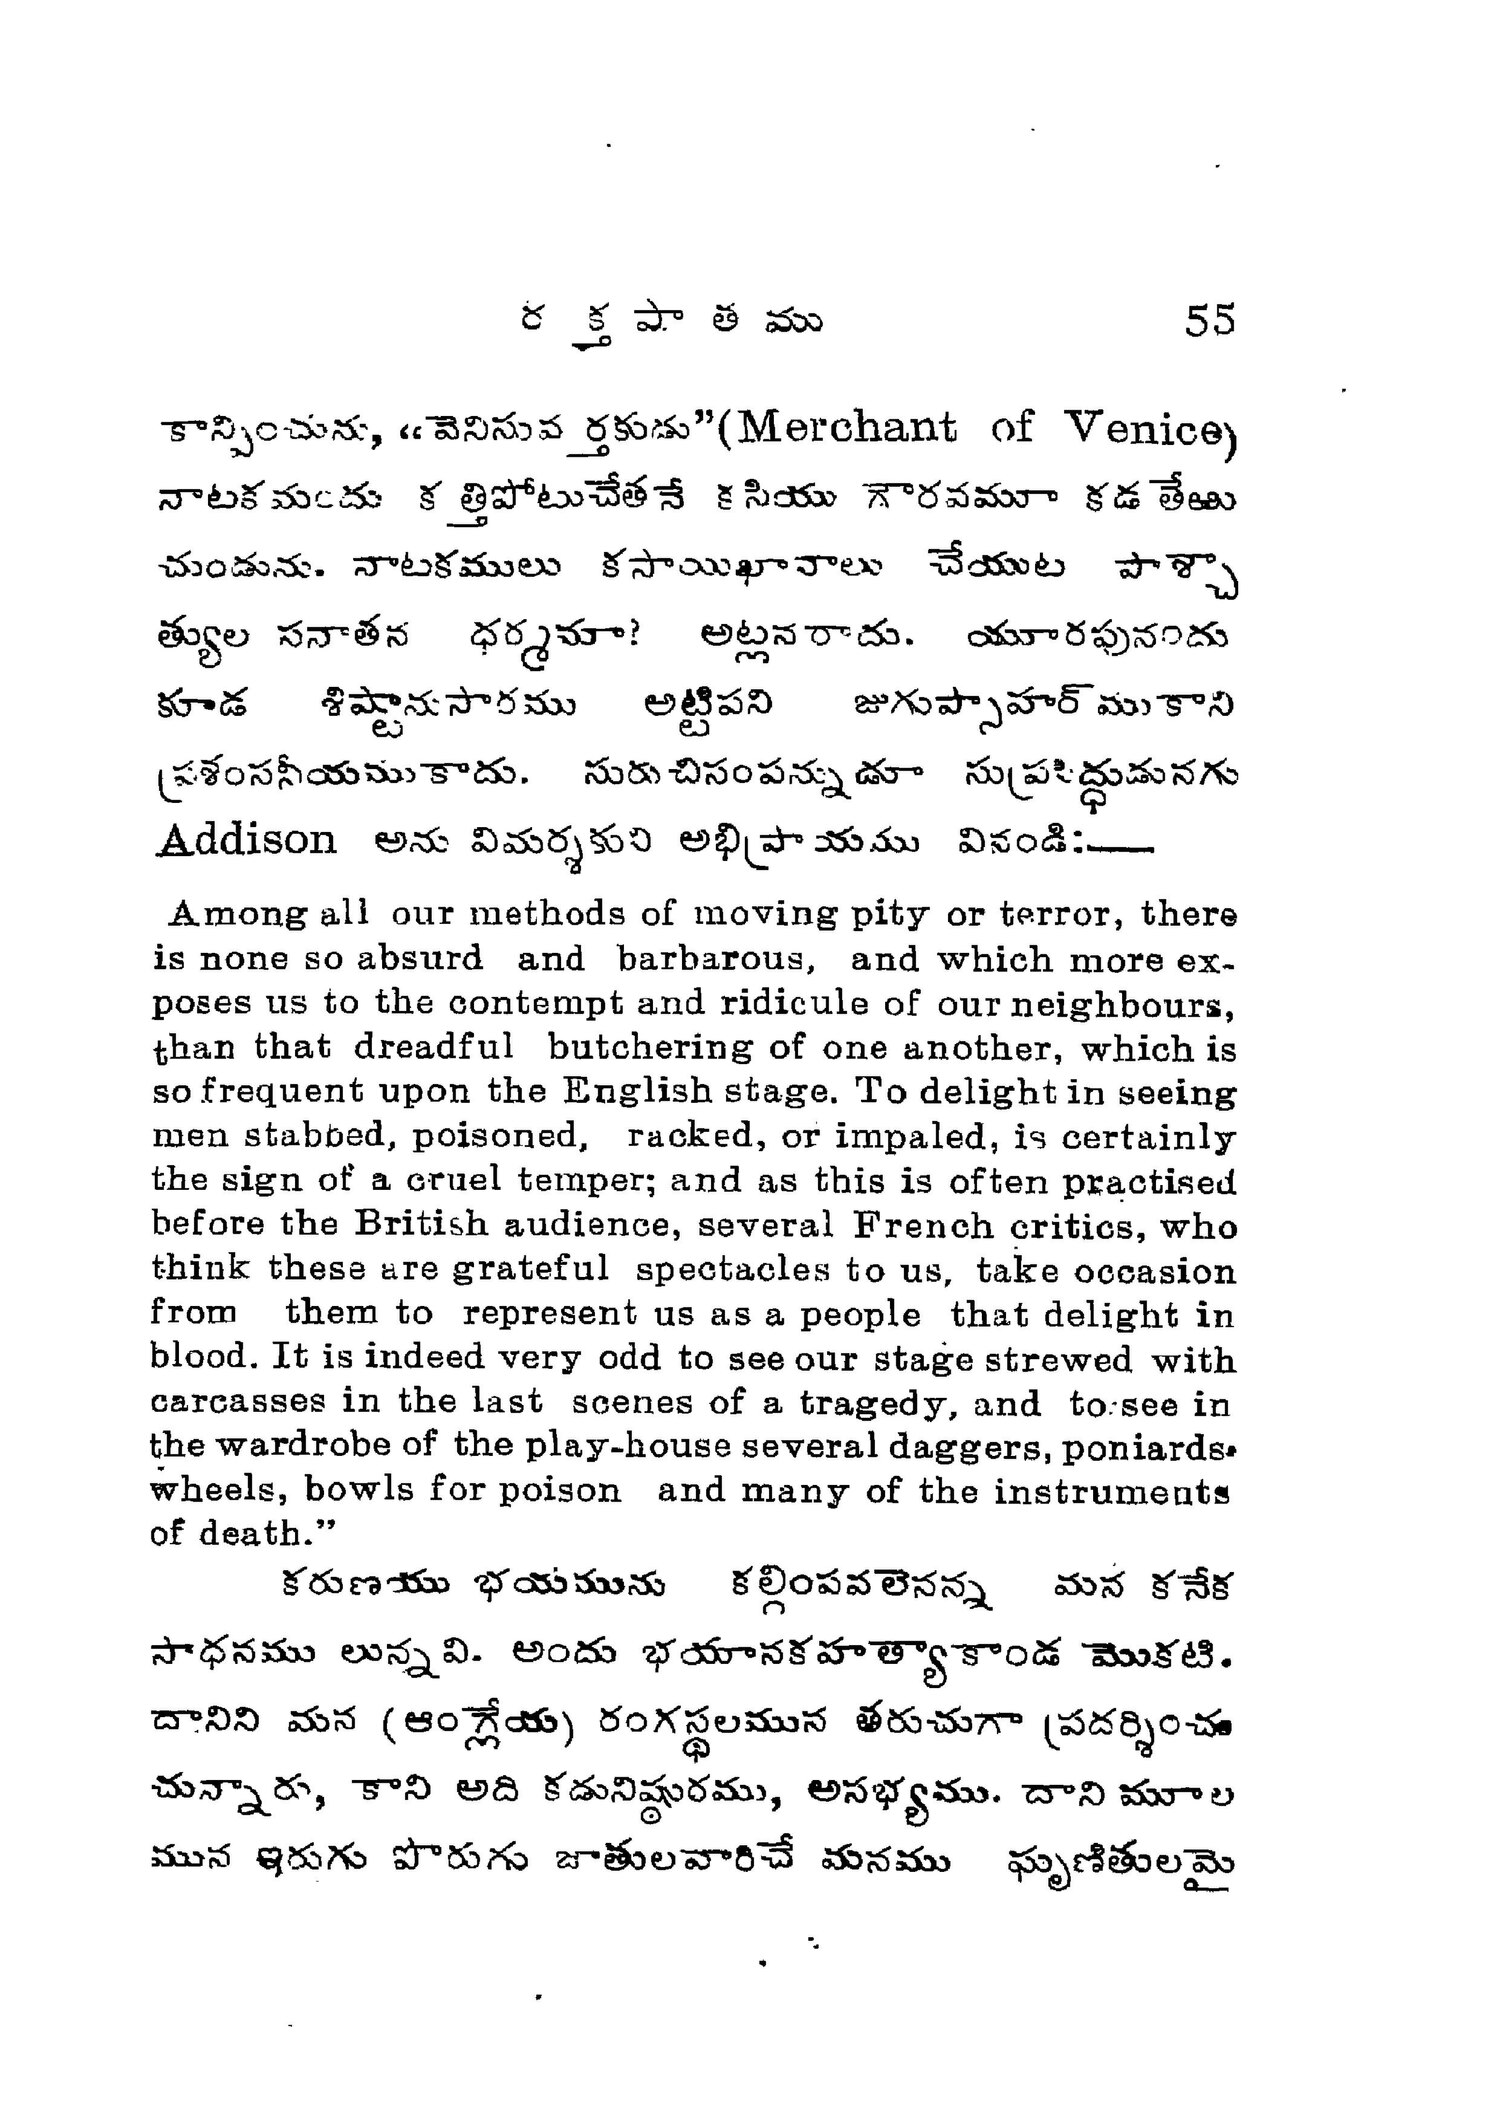కాన్పించును, "వెనిసు వర్తకుడు" (merchant of venice) నాటకమందు కత్తిపోటుచేతనే కసియు గౌరవమూ కడతేఱు చుండును. నాటకములు కసాయిఖానాలు చేయుట పాశ్చాత్యుల సనాతన ధర్మమా? అట్లనరాదు. యూరపునందు కూడా శిష్టానుసారము అట్టిపని జుగుప్సాహర్‌ముకాని ప్రశంసనీయముకాదు. సురుచిసంపన్నుడూ సుప్రసిద్ధుడునగు Addison అను విమర్శకుని అభిప్రాయము వినండి : -

Among all our methods of moving pity or terror, there is none so absurd and barbarous, and which more exposes us to the contempt and ridicule of our neighbours, than that dreadful butchering of one another, which is so frequent upon the English stage. To delight in seeing men stabbed, poisoned, racked, or impaled, is certainly the sign of a cruel temper; and as this is often practised before the British audience, several French critics, Who think these are grateful spectacles to us, take occasion from them to represent us as a people that delight in blood. It is indeed very odd to see our stage strewed with carcasses in the lost scenes of a tragedy, and to see in the wardrobe of the play-house several daggers, poniards. Wheels, bowls for poisin and many of the instruments of death."

కరుణయు భయమును కల్గింపవలెనన్న మన కనేక సాధనము లున్నవి. అందు భయానకహత్యాకాండ మొకటి. దానిని మన (ఆంగ్లేయ) రంగస్థలమున తరుచుగా ప్రదర్శించు చున్నారు, కాని అది కడునిష్ఠురము, అసభ్యము. దాని మూలమున ఇరుగు పొరుగు జాతులవారిచే మనము ఘృణితులమై